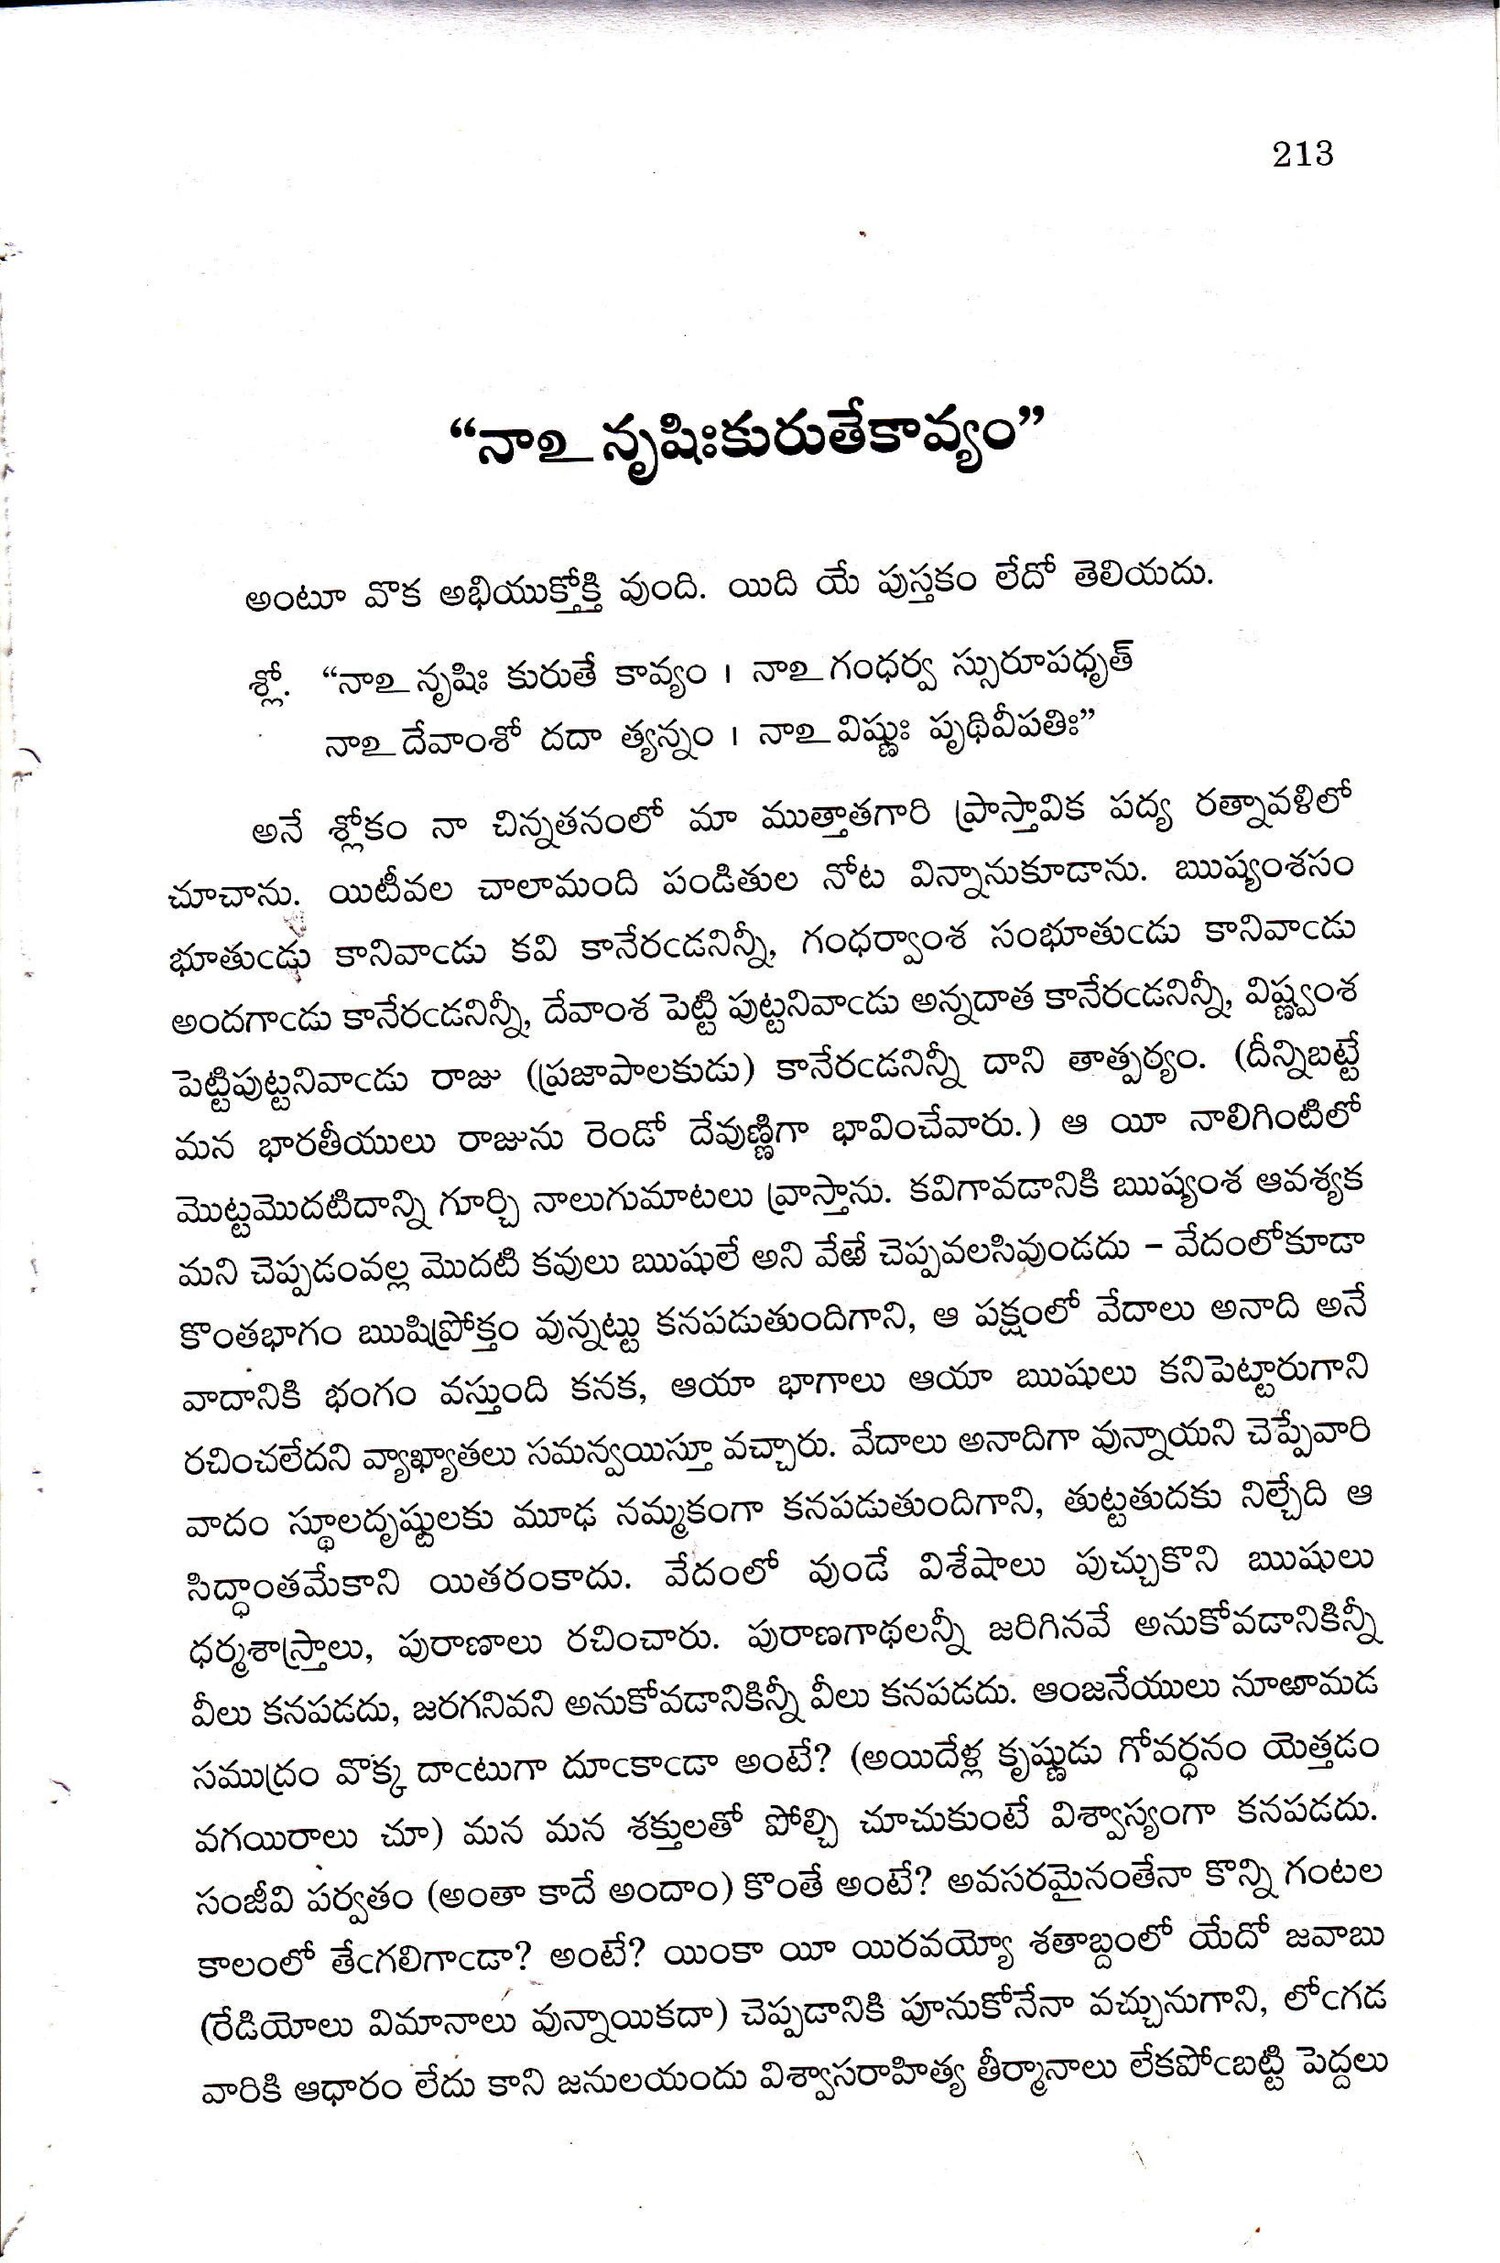“నా౽నృషిఃకురుతేకావ్యం"

అంటూ వొక అభియుక్తోక్తి వుంది. యిది యే పుస్తకం లేదో తెలియదు.

శ్లో “నా౽నృషిః కురుతే కావ్యం I నా౽గంధర్వ స్పురూపధృత్ 
 నా౽దేవాంశో దదా త్యన్నం 1 నా౽విష్ణుః పృథివీపతిః"

అనే శ్లోకం నా చిన్నతనంలో మా ముత్తాతగారి ప్రాస్తావిక పద్య రత్నావళిలో చూచాను. యిటీవల చాలామంది పండితుల నోట విన్నానుకూడాను. ఋష్యంశసంభూతుఁడు కానివాఁడు కవి కానేరఁడనిన్నీ, గంధర్వాంశ సంభూతుఁడు కానివాఁడు అందగాcడు కానేరఁడనిన్నీ, దేవాంశ పెట్టి పుట్టనివాఁడు అన్నదాత కానేరండనిన్నీ, విష్ణ్వంశ పెట్టిపుట్టనివాఁడు రాజు (ప్రజాపాలకుడు) కానేరఁడనిన్నీ దాని తాత్పర్యం. (దీన్నిబట్టే మన భారతీయులు రాజును రెండో దేవుణ్ణిగా భావించేవారు.) ఆ యీ నాలిగింటిలో మొట్టమొదటిదాన్ని గూర్చి నాలుగుమాటలు వ్రాస్తాను. కవిగావడానికి ఋష్యంశ ఆవశ్యకమని చెప్పడంవల్ల మొదటి కవులు ఋషులే అని వేఱే చెప్పవలసివుండదు - వేదంలోకూడా కొంతభాగం ఋషిప్రోక్తం వున్నట్టు కనపడుతుందిగాని, ఆ పక్షంలో వేదాలు అనాది అనే వాదానికి భంగం వస్తుంది కనక, ఆయా భాగాలు ఆయా ఋషులు కనిపెట్టారుగాని రచించలేదని వ్యాఖ్యాతలు సమన్వయిస్తూ వచ్చారు. వేదాలు అనాదిగా వున్నాయని చెప్పేవారి వాదం స్థూలదృష్టులకు మూఢ నమ్మకంగా కనపడుతుందిగాని, తుట్టతుదకు నిల్చేది ఆ సిద్ధాంతమేకాని యితరంకాదు. వేదంలో వుండే విశేషాలు పుచ్చుకొని ఋషులు ధర్మశాస్త్రాలు, పురాణాలు రచించారు. పురాణగాథలన్నీ జరిగినవే అనుకోవడానికిన్నీ వీలు కనపడదు, జరగనివని అనుకోవడానికిన్నీవీలు కనపడదు. ఆంజనేయులు నూఱామడ సముద్రం వొక్క దాఁటుగా దూఁకాండా అంటే? (అయిదేళ్ల కృష్ణుడు గోవర్ధనం యెత్తడం వగయిరాలు చూ) మన మన శక్తులతో పోల్చి చూచుకుంటే విశ్వాస్యంగా కనపడదు. సంజీవి పర్వతం (అంతా కాదే అందాం) కొంతే అంటే? అవసరమైనంతేనా కొన్ని గంటల కాలంలో తేఁగలిగాఁడా? అంటే? యింకా యీ యిరవయ్యో శతాబ్దంలో యేదో జవాబు (రేడియోలు విమానాలు వున్నాయికదా) చెప్పడానికి పూనుకోనేనా వచ్చునుగాని, లోఁగడ వారికి ఆధారం లేదు కాని జనులయందు విశ్వాసరాహిత్య తీర్మానాలు లేకపోcబట్టి పెద్దలు